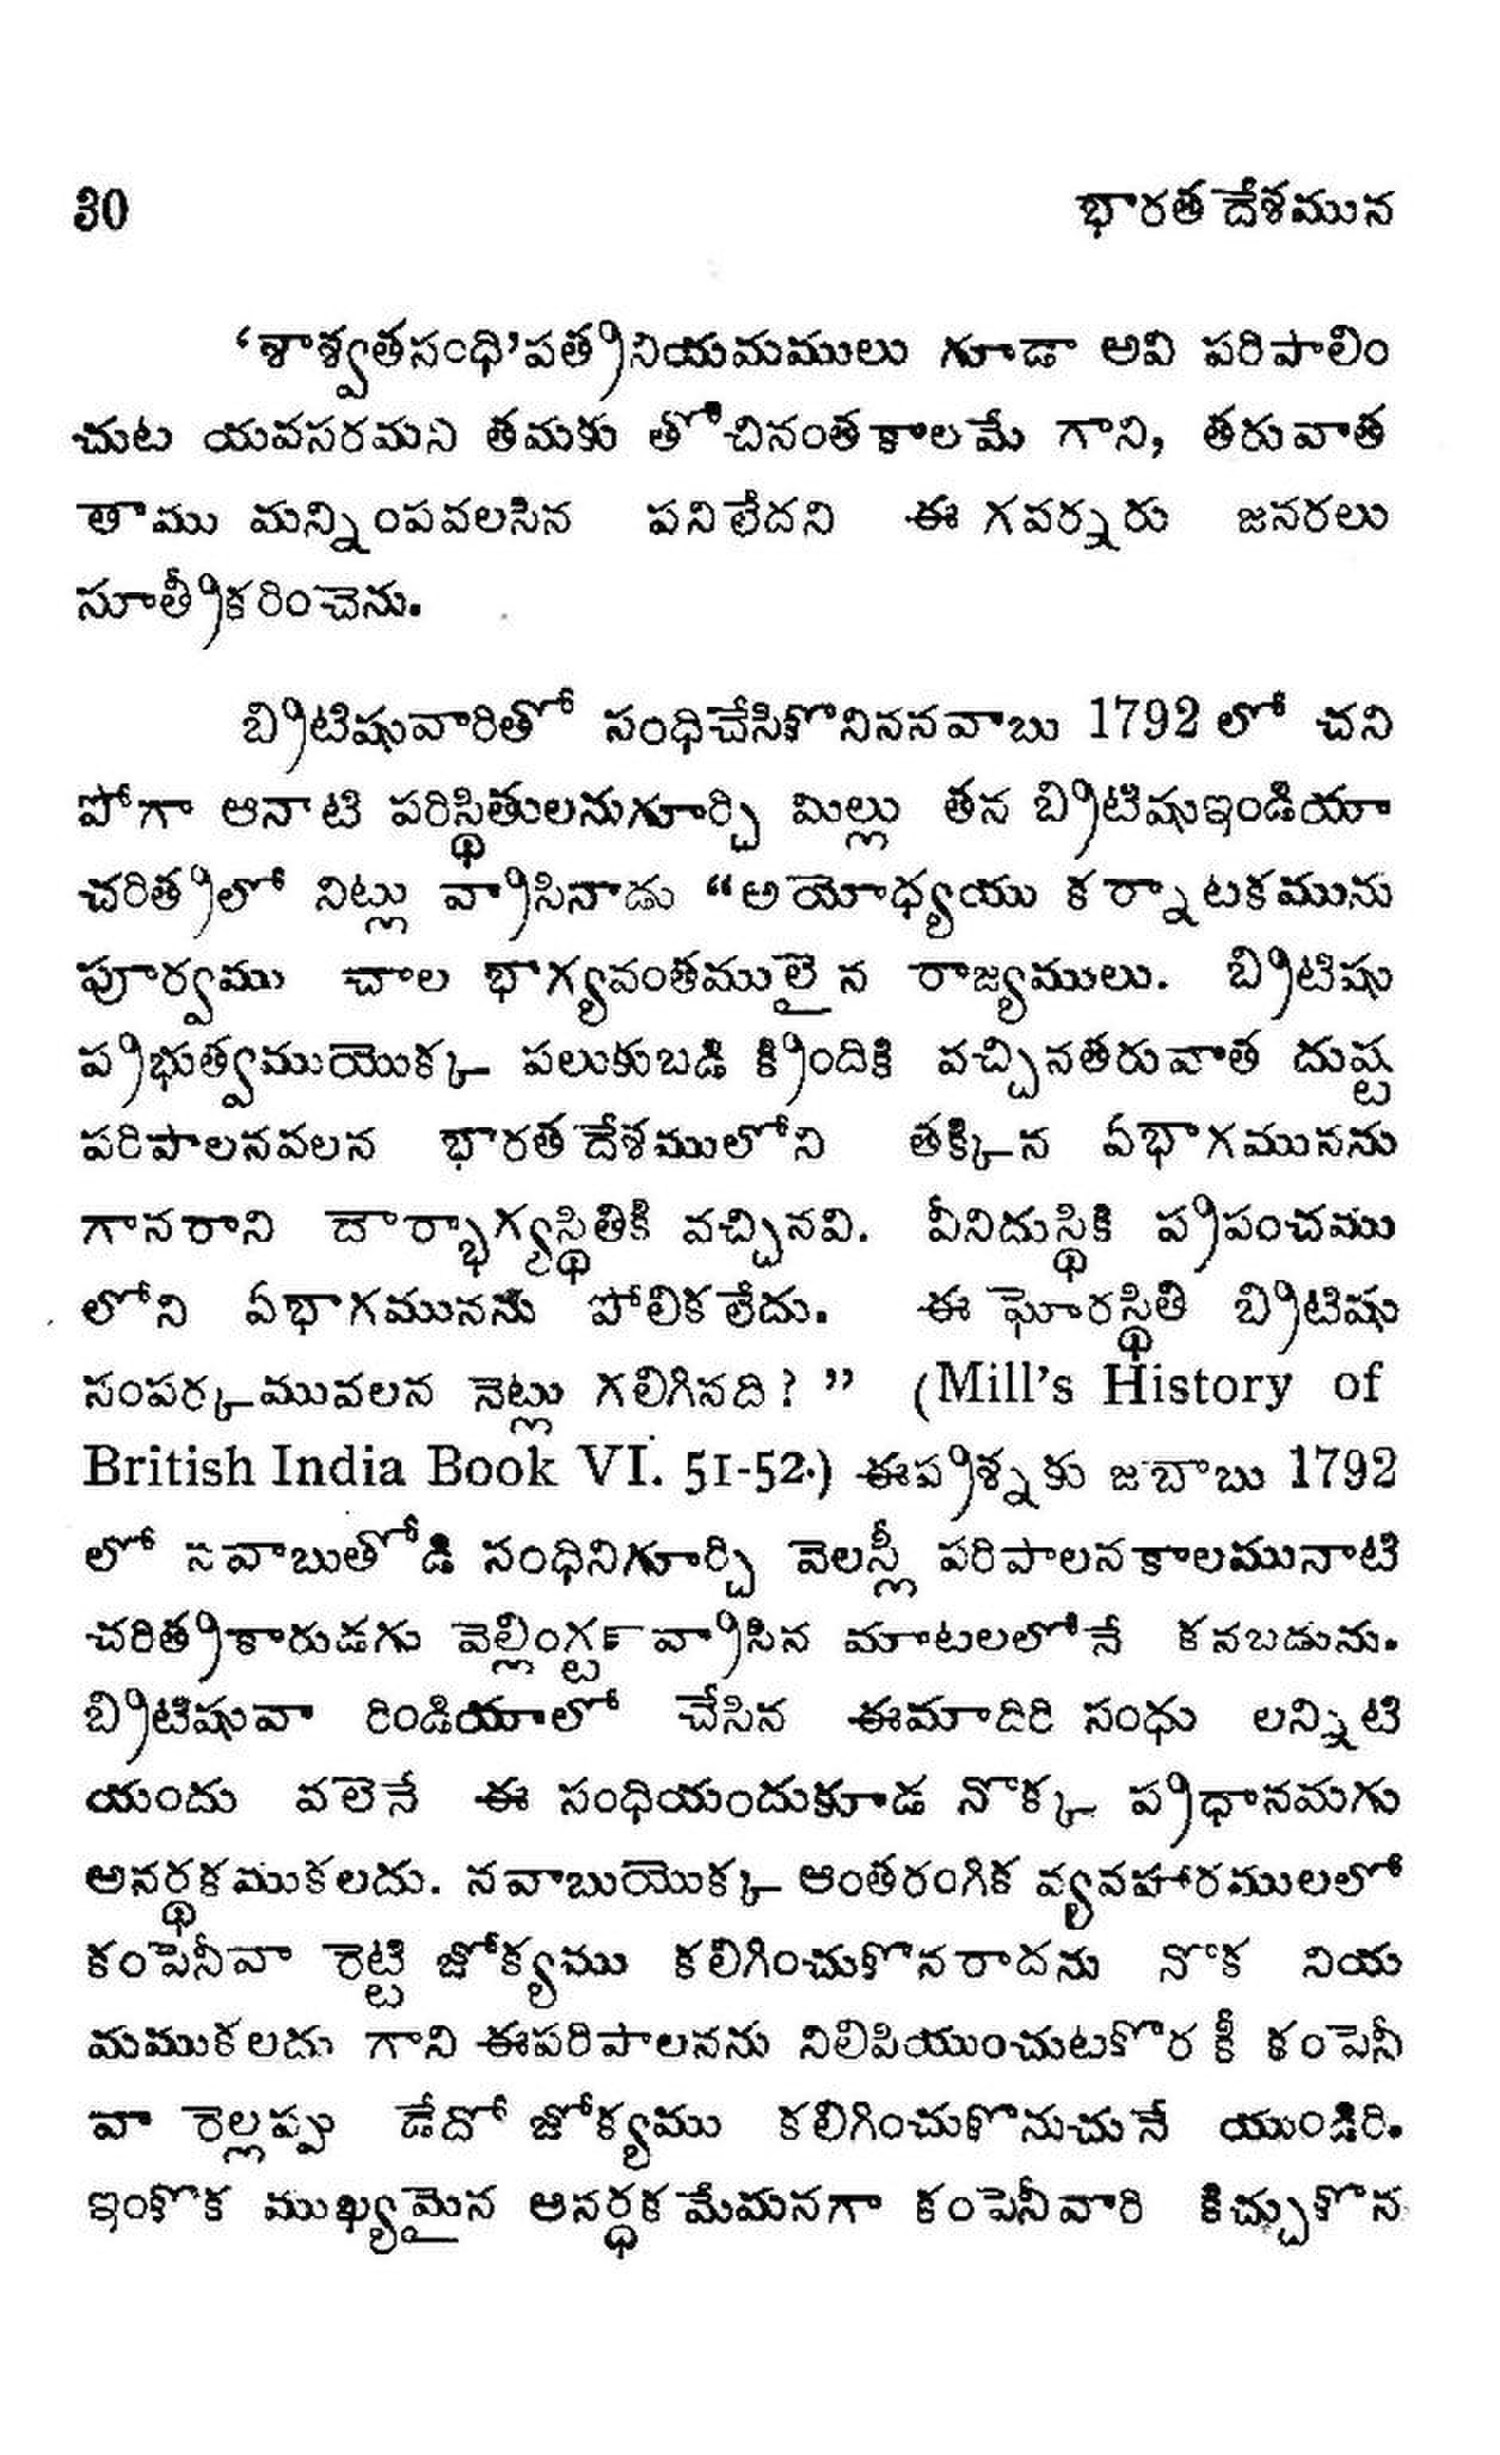'శాశ్వతసంధి'పత్రనియమములు గూడా అవి పరిపాలించుట యవసరమని తమకు తోచినంతకాలమే గాని, తరువాత తాము మన్నింపవలసిన పనిలేదని ఈ గవర్నరు జనరలు సూత్రీకరించెను.

బ్రిటిషువారితో సంధిచేసికొనిననవాబు 1792 లో చనిపోగా ఆనాటి పరిస్థితులనుగూర్చి మిల్లు తన బ్రిటిషుఇండియా చరిత్రలో నిట్లు వ్రాసినాడు “అయోధ్యయు కర్నాటకమును పూర్వము చాల భాగ్యవంతములైన రాజ్యములు. బ్రిటిషు ప్రభుత్వముయొక్క పలుకుబడి క్రిందికి వచ్చినతరువాత దుష్ట పరిపాలనవలన భారతదేశములోని తక్కిన ఏభాగమునను గానరాని దౌర్భాగ్యస్థితికి వచ్చినవి. వీనిదుస్థితికి ప్రపంచములోని ఏ భాగమునను పోలికలేదు. ఈ ఘోరస్థితి బ్రిటిషు సంపర్క మువలన నెట్లు గలిగినది ?” (Mill's History of British India Book VI. 51-52.) ఈ ప్రశ్నకు జబాబు 1792 లో నవాబుతోడి సంధినిగూర్చి వెలస్లీ పరిపాలనకాలమునాటి చరిత్రకారుడగు వెల్లింగ్ట౯ వ్రాసిన మాటలలోనే కనబడును. బ్రిటిషువా రిండియాలో చేసిన ఈమాదిరి సంధు లన్నిటియందు వలెనే ఈ సంధియందుకూడ నొక్క ప్రధానమగు అనర్థకముకలదు. నవాబుయొక్క ఆంతరంగిక వ్యవహారములలో కంపెనీవా రెట్టి జోక్యము కలిగించుకొనరాదను నొక నియమముకలదు గాని ఈపరిపాలనను నిలిపియుంచుటకొర కీ కంపెనీ వా రెల్లప్పు డేదో జోక్యము కలిగించుకొనుచునే యుండిరి. ఇంకొక ముఖ్యమైన అసర్ధక మేమనగా కంపెనీవారి కిచ్చుకొన